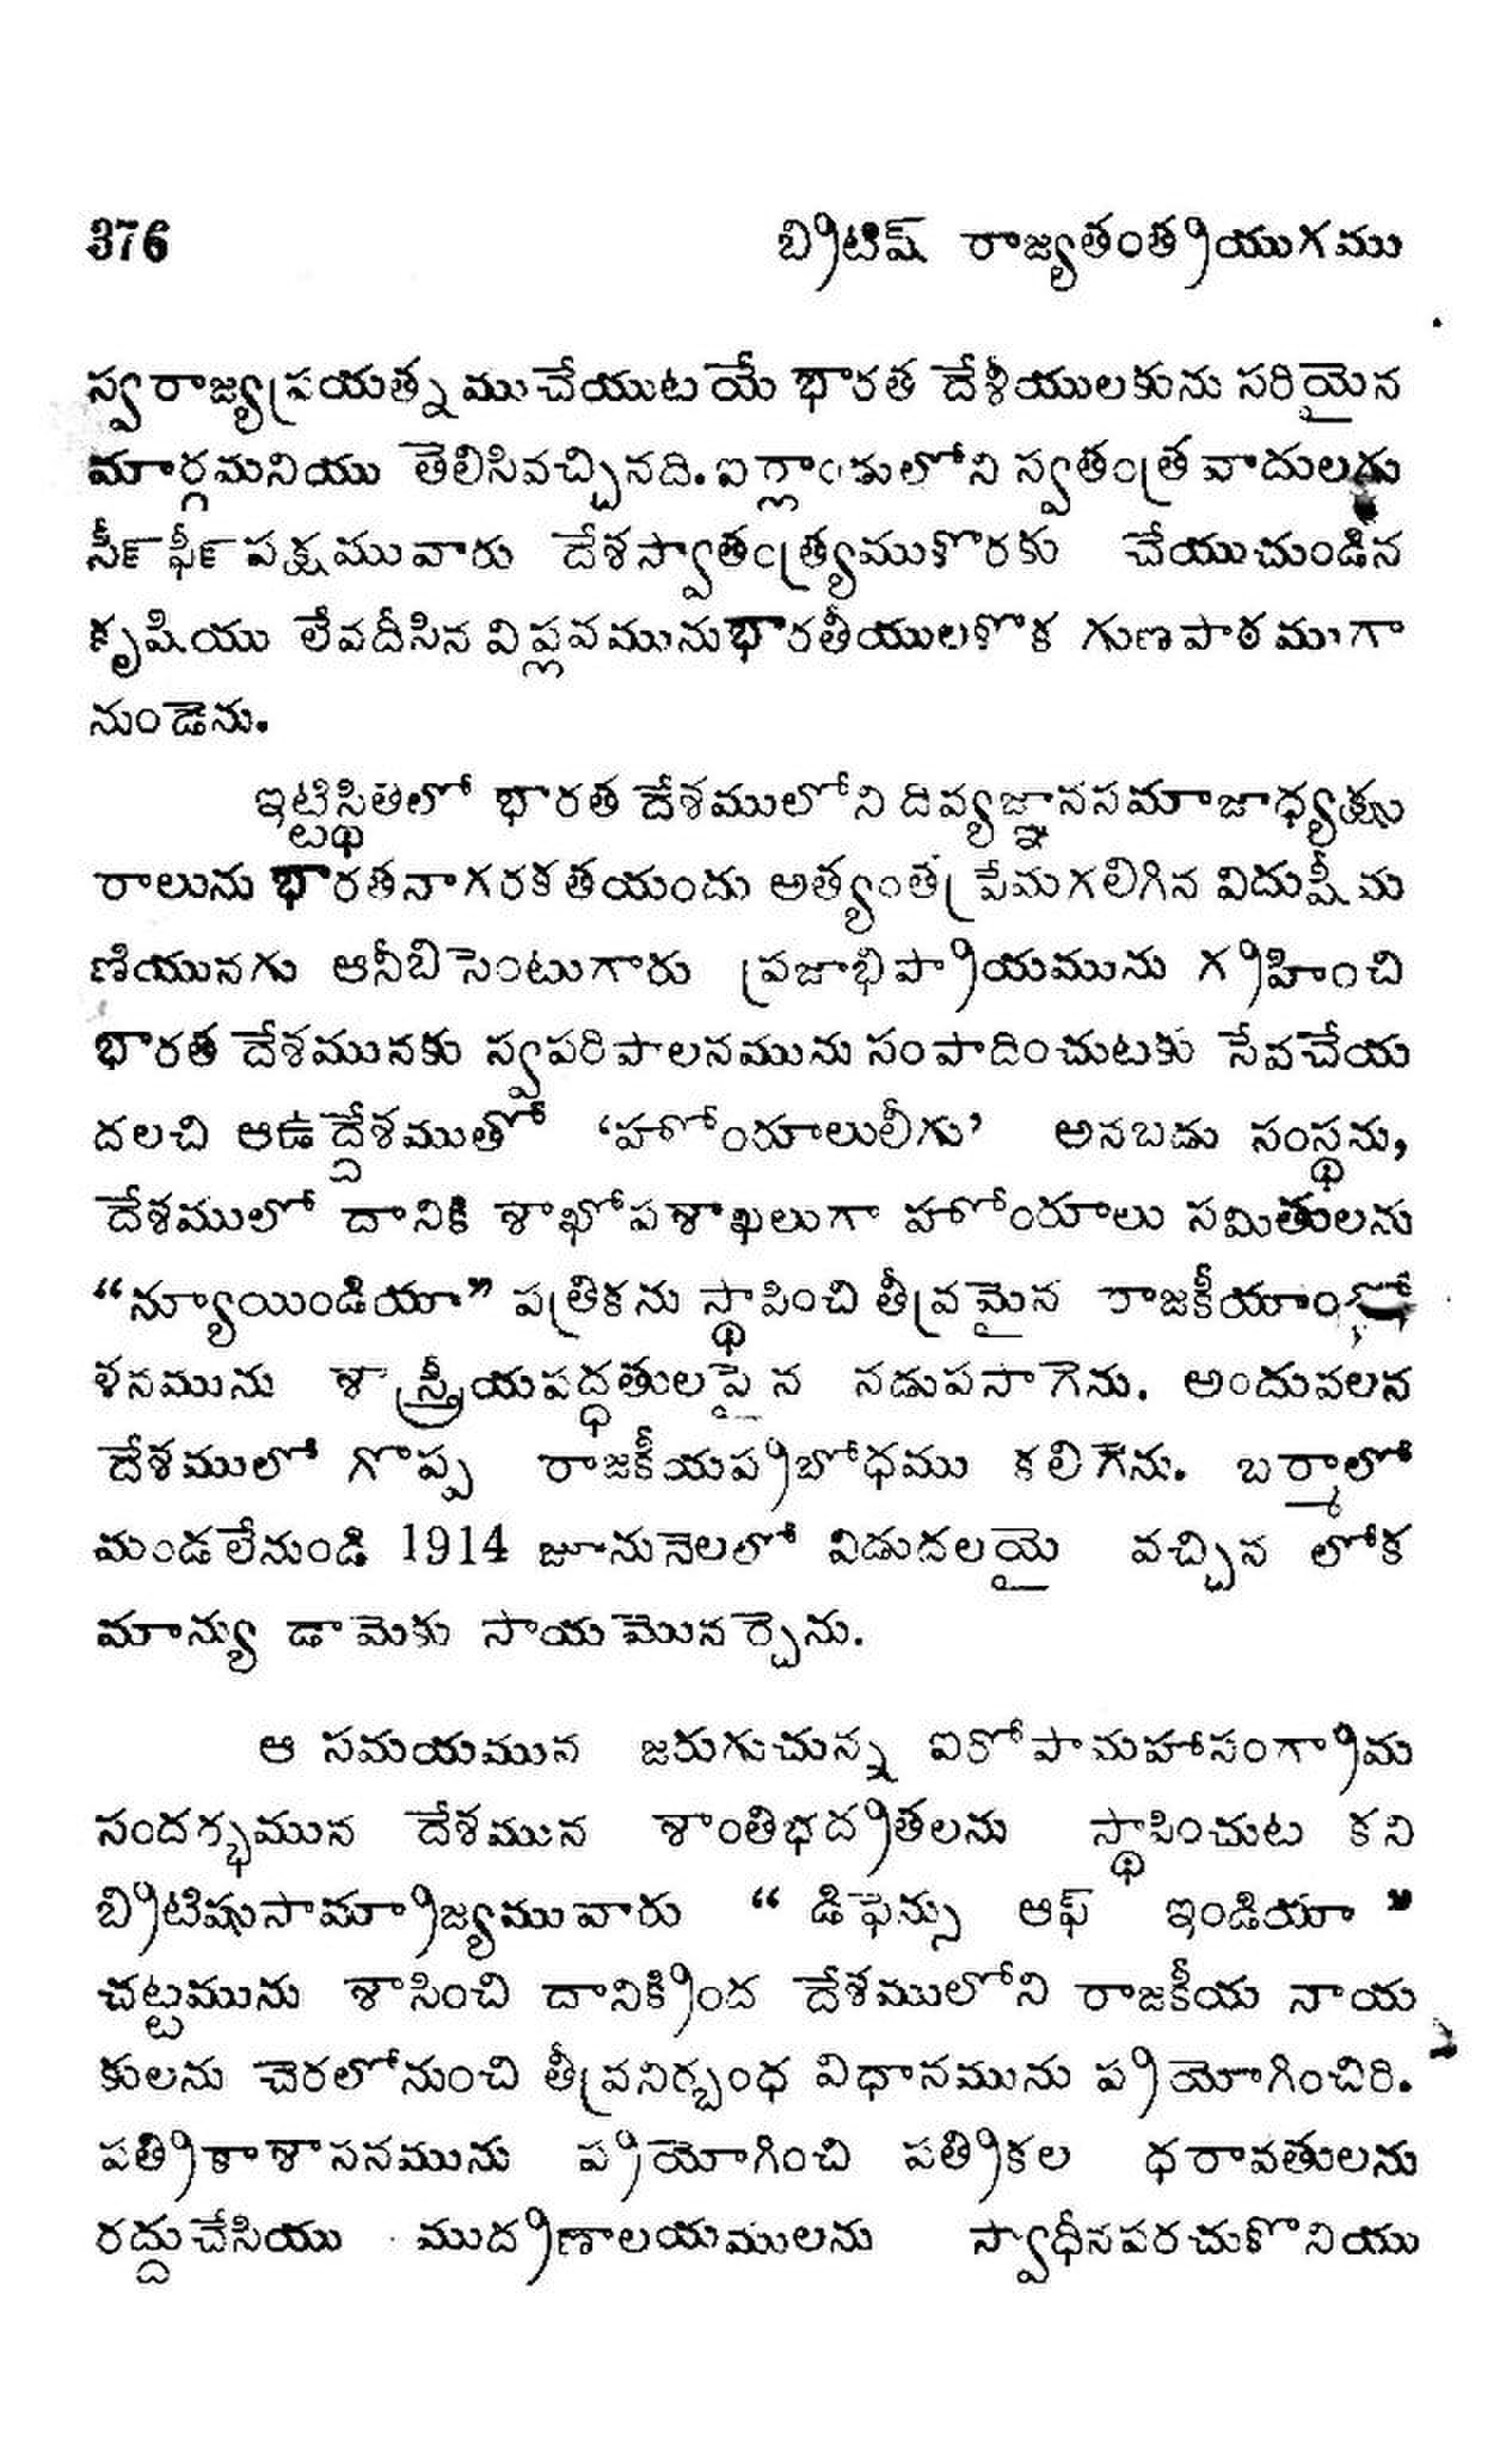స్వరాజ్యప్రయత్నముచేయుటయే భారత దేశీయులకును సరియైన మార్గమనియు తెలిసివచ్చినది. ఐర్లాండులోని స్వతంత్రవాదులగు సీ౯ఫీ౯ పక్షమువారు. దేశస్వాతంత్ర్యముకొరకు చేయుచుండిన కృషియు లేవదీసిన విప్లవమును భారతీయులకొక గుణపాఠముగా నుండెను.

ఇట్టిస్థితిలో భారతదేశములోని దివ్యజ్ఞానసమాజాధ్యక్షురాలును భారతనాగరకతయందు అత్యంత ప్రేమగలిగిన విదుషీమణియునగు ఆనీబిసెంటుగారు ప్రజాభిప్రాయమును గ్రహించి భారతదేశమునకు స్వపరిపాలనమును సంపాదించుటకు సేవచేయదలచి ఆ ఉద్దేశముతో 'హోంరూలులీగు' అనబడు సంస్థను, దేశములో దానికి శాఖోపశాఖలుగా హోంరూలు సమితులను “న్యూయిండియా" పత్రికను స్థాపించి తీవ్రమైన రాజకీయాందోళనమును శాస్త్రీయపద్ధతులపైన నడుపసాగెను. అందువలన దేశములో గొప్ప రాజకీయప్రబోధము కలిగెను. బర్మాలో మండలేనుండి 1914 జూనునెలలో విడుదలయై వచ్చిన లోకమాన్యు డామెకు సాయమొనర్చెను.

ఆ సమయమున జరుగుచున్న ఐరోపామహాసంగ్రామ సందర్భమున దేశమున శాంతిభధ్రతలను స్థాపించుట కని బ్రిటిషు సామ్రాజ్యమువారు "డిఫెన్సు ఆఫ్ ఇండియా” చట్టమును శాసించి దానిక్రింద దేశములోని రాజకీయ నాయకులను చెరలోనుంచి తీవ్రనిర్బంధ విధానమును ప్రయోగించిరి. పత్రికాశాసనమును ప్రయోగించి పత్రికల ధరావతులను రద్దుచేసియు ముద్రణాలయములను స్వాధీనపరచుకొనియు